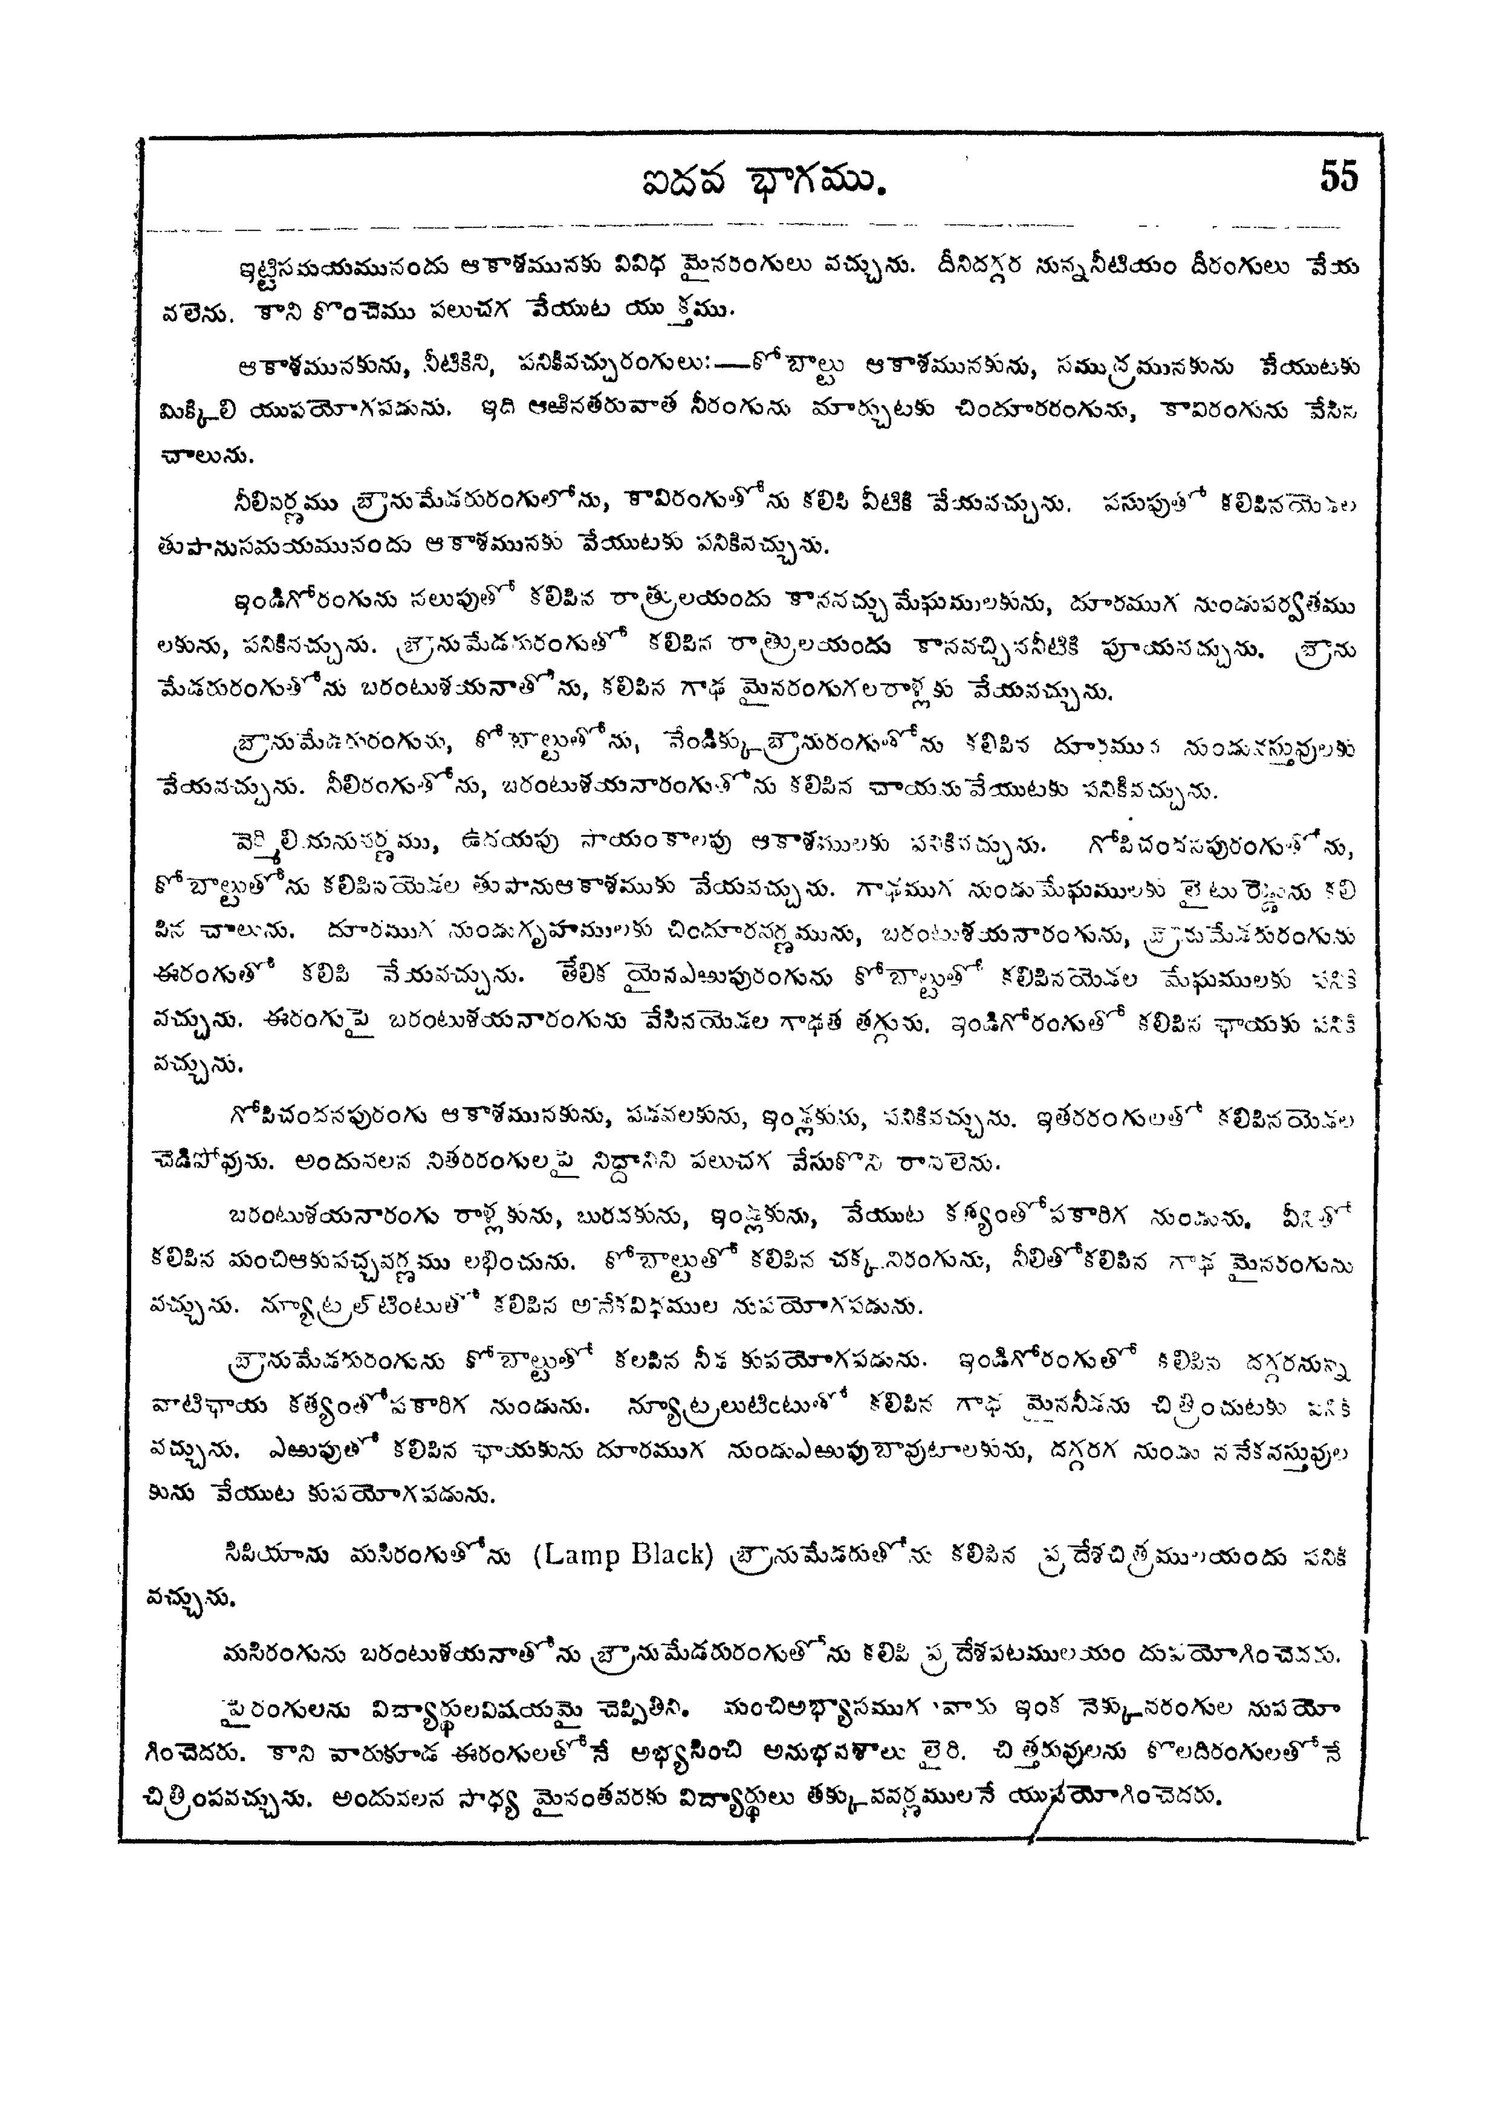ఇట్టిసమయమునందు ఆకాశమునకు వివిధ మైనరంగులు వచ్చును. దీనిదగ్గర నున్ననీటియం దీరంగులు వేయవలెను. కాని కొంచెము పలుచగ వేయుట యుక్తము.

ఆకాశమునకును, నీటికిని, పనికివచ్చురంగులు:- కోబాల్టు ఆకాశమునకును, సముద్రమునకును వేయుటకు మిక్కిలి యుపయోగపడును. ఇది ఆఱినతరువాత నీరంగును మార్చుటకు చిందూరరంగును, కావిరంగును వేసిన చాలును.

నీలివర్ణము బ్రౌనుమేడరురంగులోను, కావిరంగుతోను కలిపి వీటికి వేయవచ్చును. పసుపుతో కలిపినయెడల తుపానుసమయమునందు ఆకాశమునకు వేయుటకు పనికివచ్చును.

ఇండిగోరంగును నలుపుతో కలిపిన రాత్రులయందు కానవచ్చుమేఘములకును, దూరముగ నుండుపర్వతములకును, పనికివచ్చును. బ్రౌనుమేడరురంగుతో కలిపిన రాత్రులయందు కానవచ్చిననీటికి పూయవచ్చును. బ్రౌనుమేడరురంగుతోను బరంటుశయనారంగుతోను, కలిపిన గాడ మైనరంగుగలరాళ్లకు వేయవచ్చును.

బ్రౌనుమేడరురంగును, కోబాల్టుతోను, వేండిక్కుబ్రౌనురంగుతోను కలిపిన దూరమున నుండువస్తువులకు వేయవచ్చును. నీలిరంగుతోను, బరంటుశయనారంగుతోను కలిపిన చాయనువేయుటకు పనికివచ్చును.

వెర్మిలియనువర్ణము, ఉదయపు సాయంకాలపు ఆకాశములకు పనికివచ్చును. గోపిచందనపురంగుతోను, కోబాల్టుతోను కలిపినయెడల తుపానుఆకాశమునకు వేయవచ్చును. గాడముగ నుండుమేఘములకు లైటురెడ్డును కలిపిన చాలును. దూరముగ నుండుగృహములకు చిందూరవర్ణమును, బరంటుశయనారంగును, బ్రౌనుమేడరురంగును ఈరంగుతో కలిపి వేయవచ్చును. తేలిక యైనఎఱుపురంగును కోబాల్టుతో కలిపినయెడల మేఘములకు పనికివచ్చును. ఈరంగుపై బరంటుశయనారంగును వేసియెడల గాడత తగ్గును. ఇండిగోరంగుతో కలిపిన ఛాయకు పనికివచ్చును.

గోపిచందనపురంగు ఆకాశమునకును, పడవలకును, ఇండ్లకును, పనికివచ్చును. ఇతరరంగులతో కలిపినయెడల చెడిపోవును. అందువలన నితరరంగులపై నిద్దానిని పలుచగ వేసుకొని రావలెను.

బరంటుశయనారంగు రాళ్లకును, బురదకును, ఇండ్లకును, వేయుట కత్యంతోపకారిగ నుండును. వీనితో కలిపిన మంచిఆకుపచ్చవర్ణము లభించును. కోబాల్టుతో కలిపిన చక్కనిరంగును, నీలితోకలిపిన గాడ మైనరంగునుచ్చును. న్యూట్రల్‌టింటుతో కలిపిన అనేకవిధముల నుపయోగపడును.

బ్రౌనుమేడరురంగును కోబాల్టుతో కలపిన నీడ కుపయోగపడును. ఇండిగోరంగుతో కలిపిన దగ్గరనున్న వాటిఛాయ కత్యంతోపకారిగ నుండును. న్యూట్రలుటింటుతో కలిపిన గాడ మైననీడను చిత్రించుటకు పనికివచ్చును. ఎఱుపుతో కలిపిన ఛాయకును దూరముగ నుండుఎఱుపుబావుటాలకును, దగ్గరగ నుండు ననేకవస్తువులకును వేయుట కుపయోగపడును.

సిపియాను మసిరంగుతోను (Lamp Black) బ్రౌనుమేడరుతోను కలిపిన ప్రదేశచిత్రములయందు పనికివచ్చును.

మసిరంగును బరంటుశయనాతోను బ్రౌనుమేడరురంగుతోను కలిపి ప్రదేశపటములయం దుపయోగించెదరు. 

పైరంగులను విద్యార్థులవిషయమై చెప్పితిని. మంచిఅభ్యాసముగలవారు ఇంక నెక్కువరంగుల నుపయోగించెదరు. కాని వారుకూడ ఈరంగులతోనే అభ్యసించి అనుభవశాలులైరి. చిత్తరువులను కొలదిరంగులతోనే చిత్రింపవచ్చును. అందువలన సాధ్యమైనంతవరకు విద్యార్థులు తక్కువవర్ణములనే యుపయోగించెదరు.